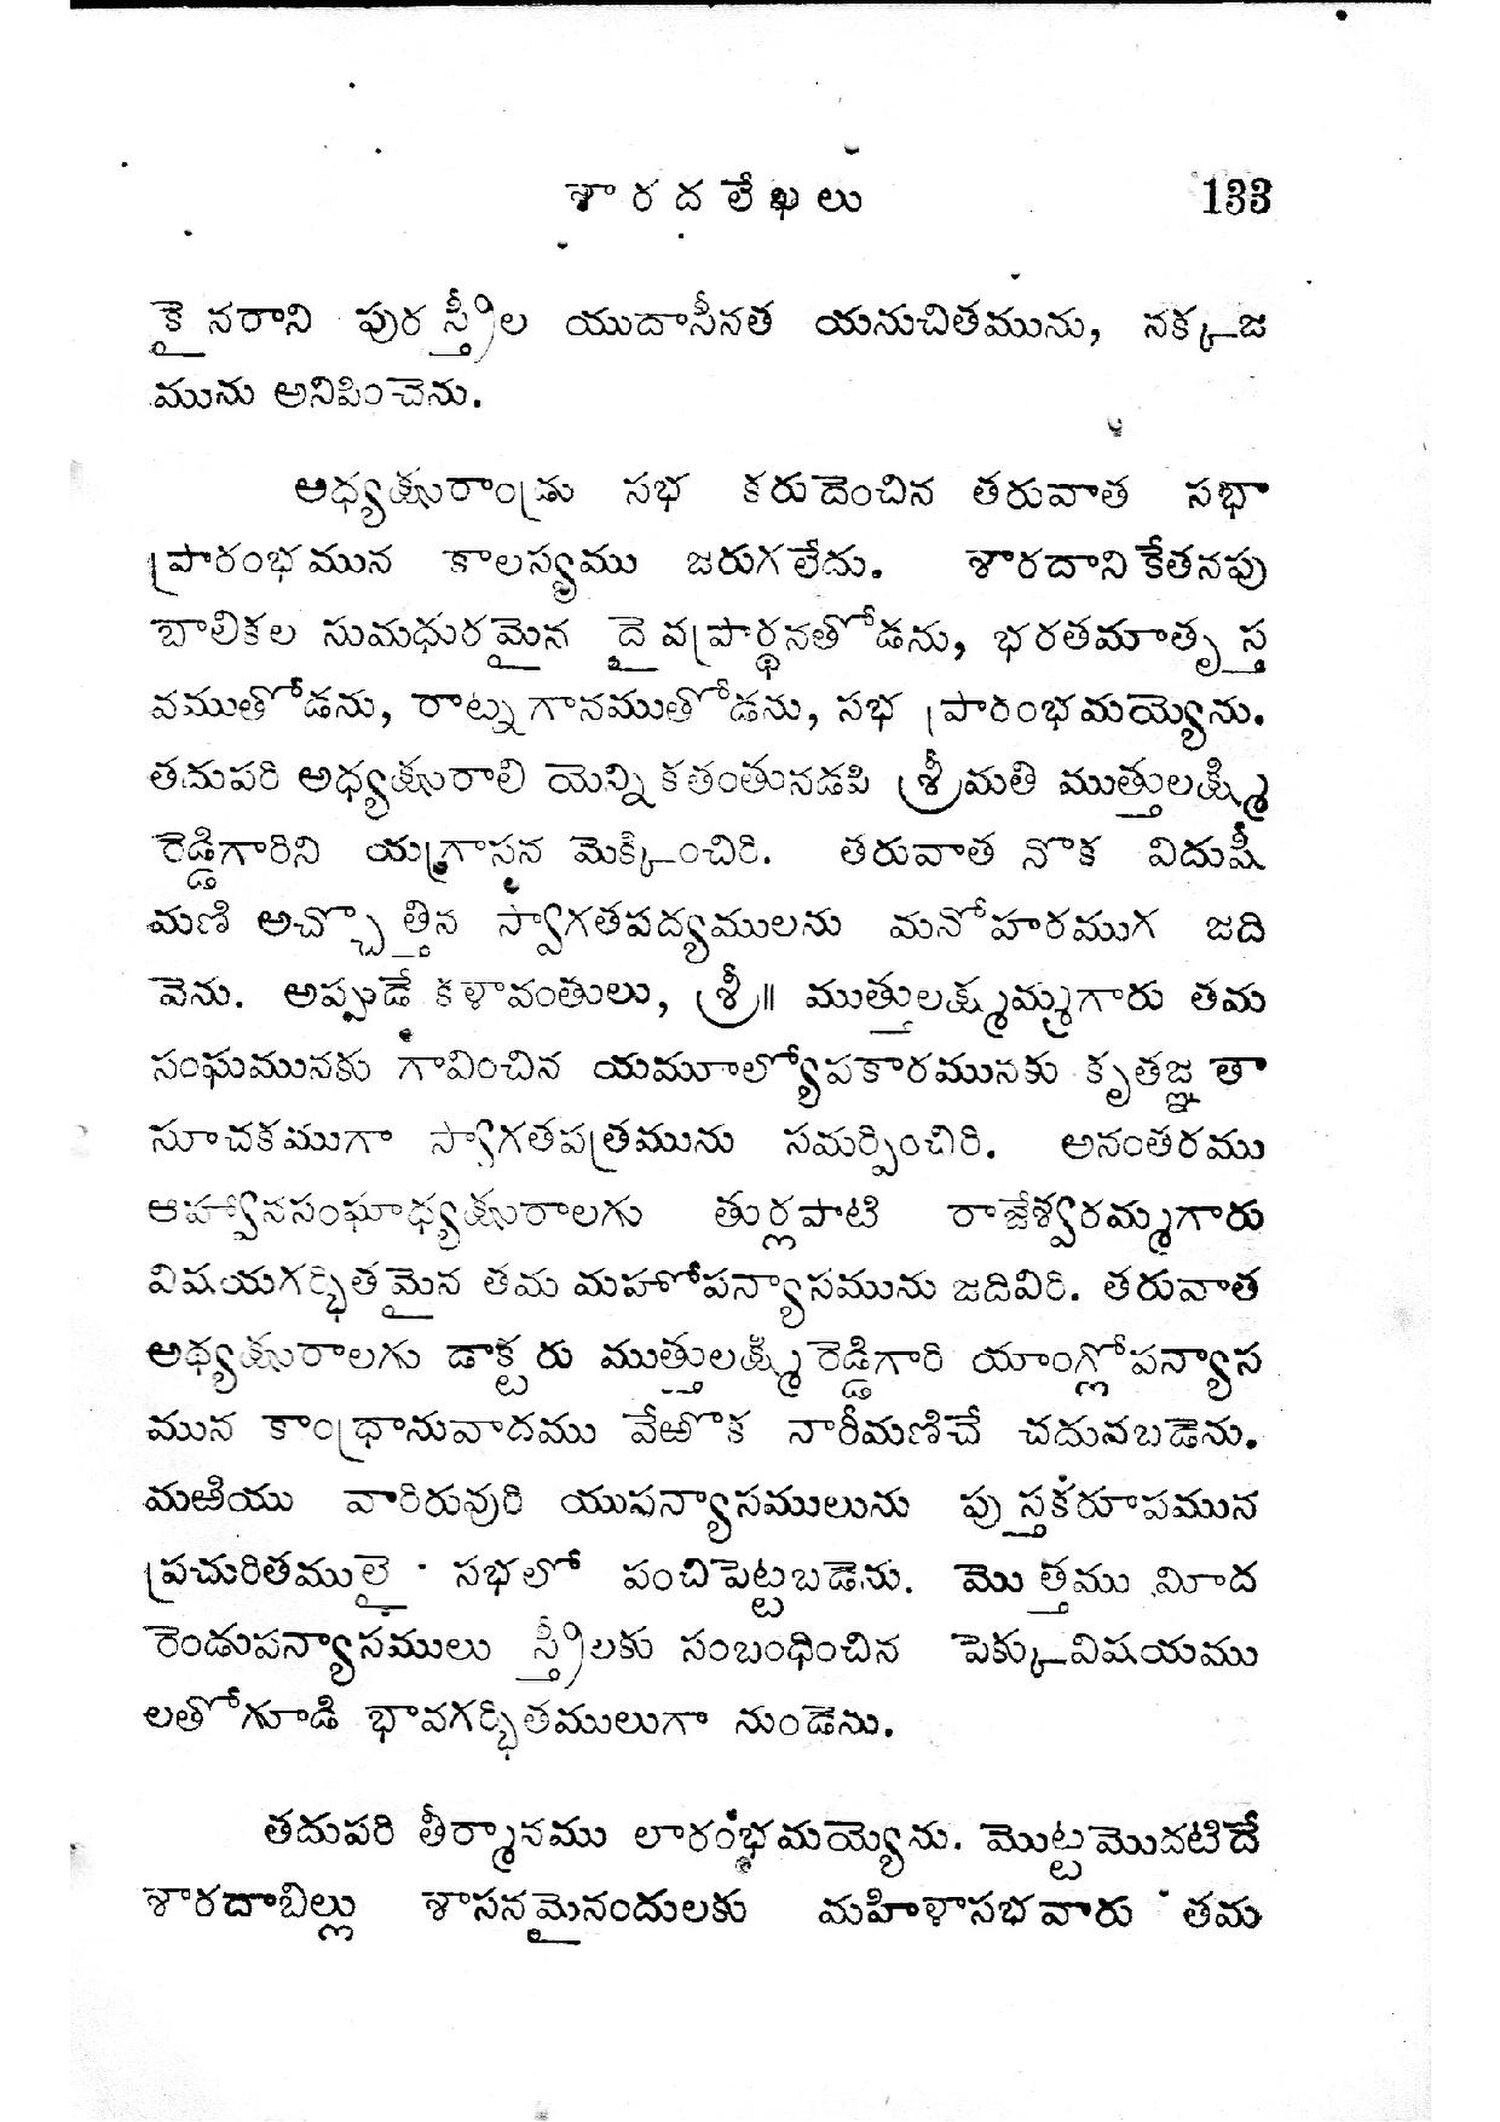కైనరాని పురస్త్రీల యుదాసీనత యనుచితమును, నక్కజమును అనిపించెను.

అధ్యక్షురాండ్రు సభ కరుదెంచిన తరువాత సభా ప్రారంభమున కాలస్యము జరుగలేదు. శారదానికేతనపు
బాలికల సుమధురమైన దైవప్రార్థనతోడను, భరతమాతృస్తవముతోడను, రాట్నగానముతోడను, సభ ప్రారంభమయ్యెను. తదుపరి అధ్యక్షురాలి యెన్నికతంతునడపి శ్రీమతి ముత్తులక్ష్మిరెడ్డిగారిని యగ్రాసన మెక్కించిరి. తరువాత నొక విదుషీమణి అచ్చొత్తిన స్వాగతపద్యములను మనోహరముగ జదివెను. అప్పుడే కళావంతులు, శ్రీ॥ ముత్తులక్ష్మమ్మగారు తమ సంఘమునకు గావించిన యమూల్యోపకారమునకు కృతజ్ఞతా
సూచకముగా స్వాగతపత్రమును సమర్పించిరి. అనంతరము ఆహ్వానసంఘాధ్యక్షురాలగు తుర్లపాటి రాజేశ్వరమ్మగారు విషయగర్భితమైన తమ మహోపన్యాసమును జదివిరి. తరువాత అధ్యక్షురాలగు డాక్టరు ముత్తులక్ష్మిరెడ్డిగారి యాంగ్లోపన్యాసమున కాంధ్రానువాదము వేఱొక నారీమణిచే చదువబడెను. మఱియు వారిరువురి యుపన్యాసములును పుస్తకరూపమున ప్రచురితములై సభలో పంచిపెట్టబడెను. మొత్తము మీద రెండుపన్యాసములు స్త్రీలకు సంబంధించిన పెక్కువిషయములతోగూడి భావగర్భితములుగా నుండెను.

తదుపరి తీర్మానము లారంభమయ్యెను. మొట్టమొదటిదే శారదాబిల్లు శాసనమైనందులకు మహిళాసభవారు తమ